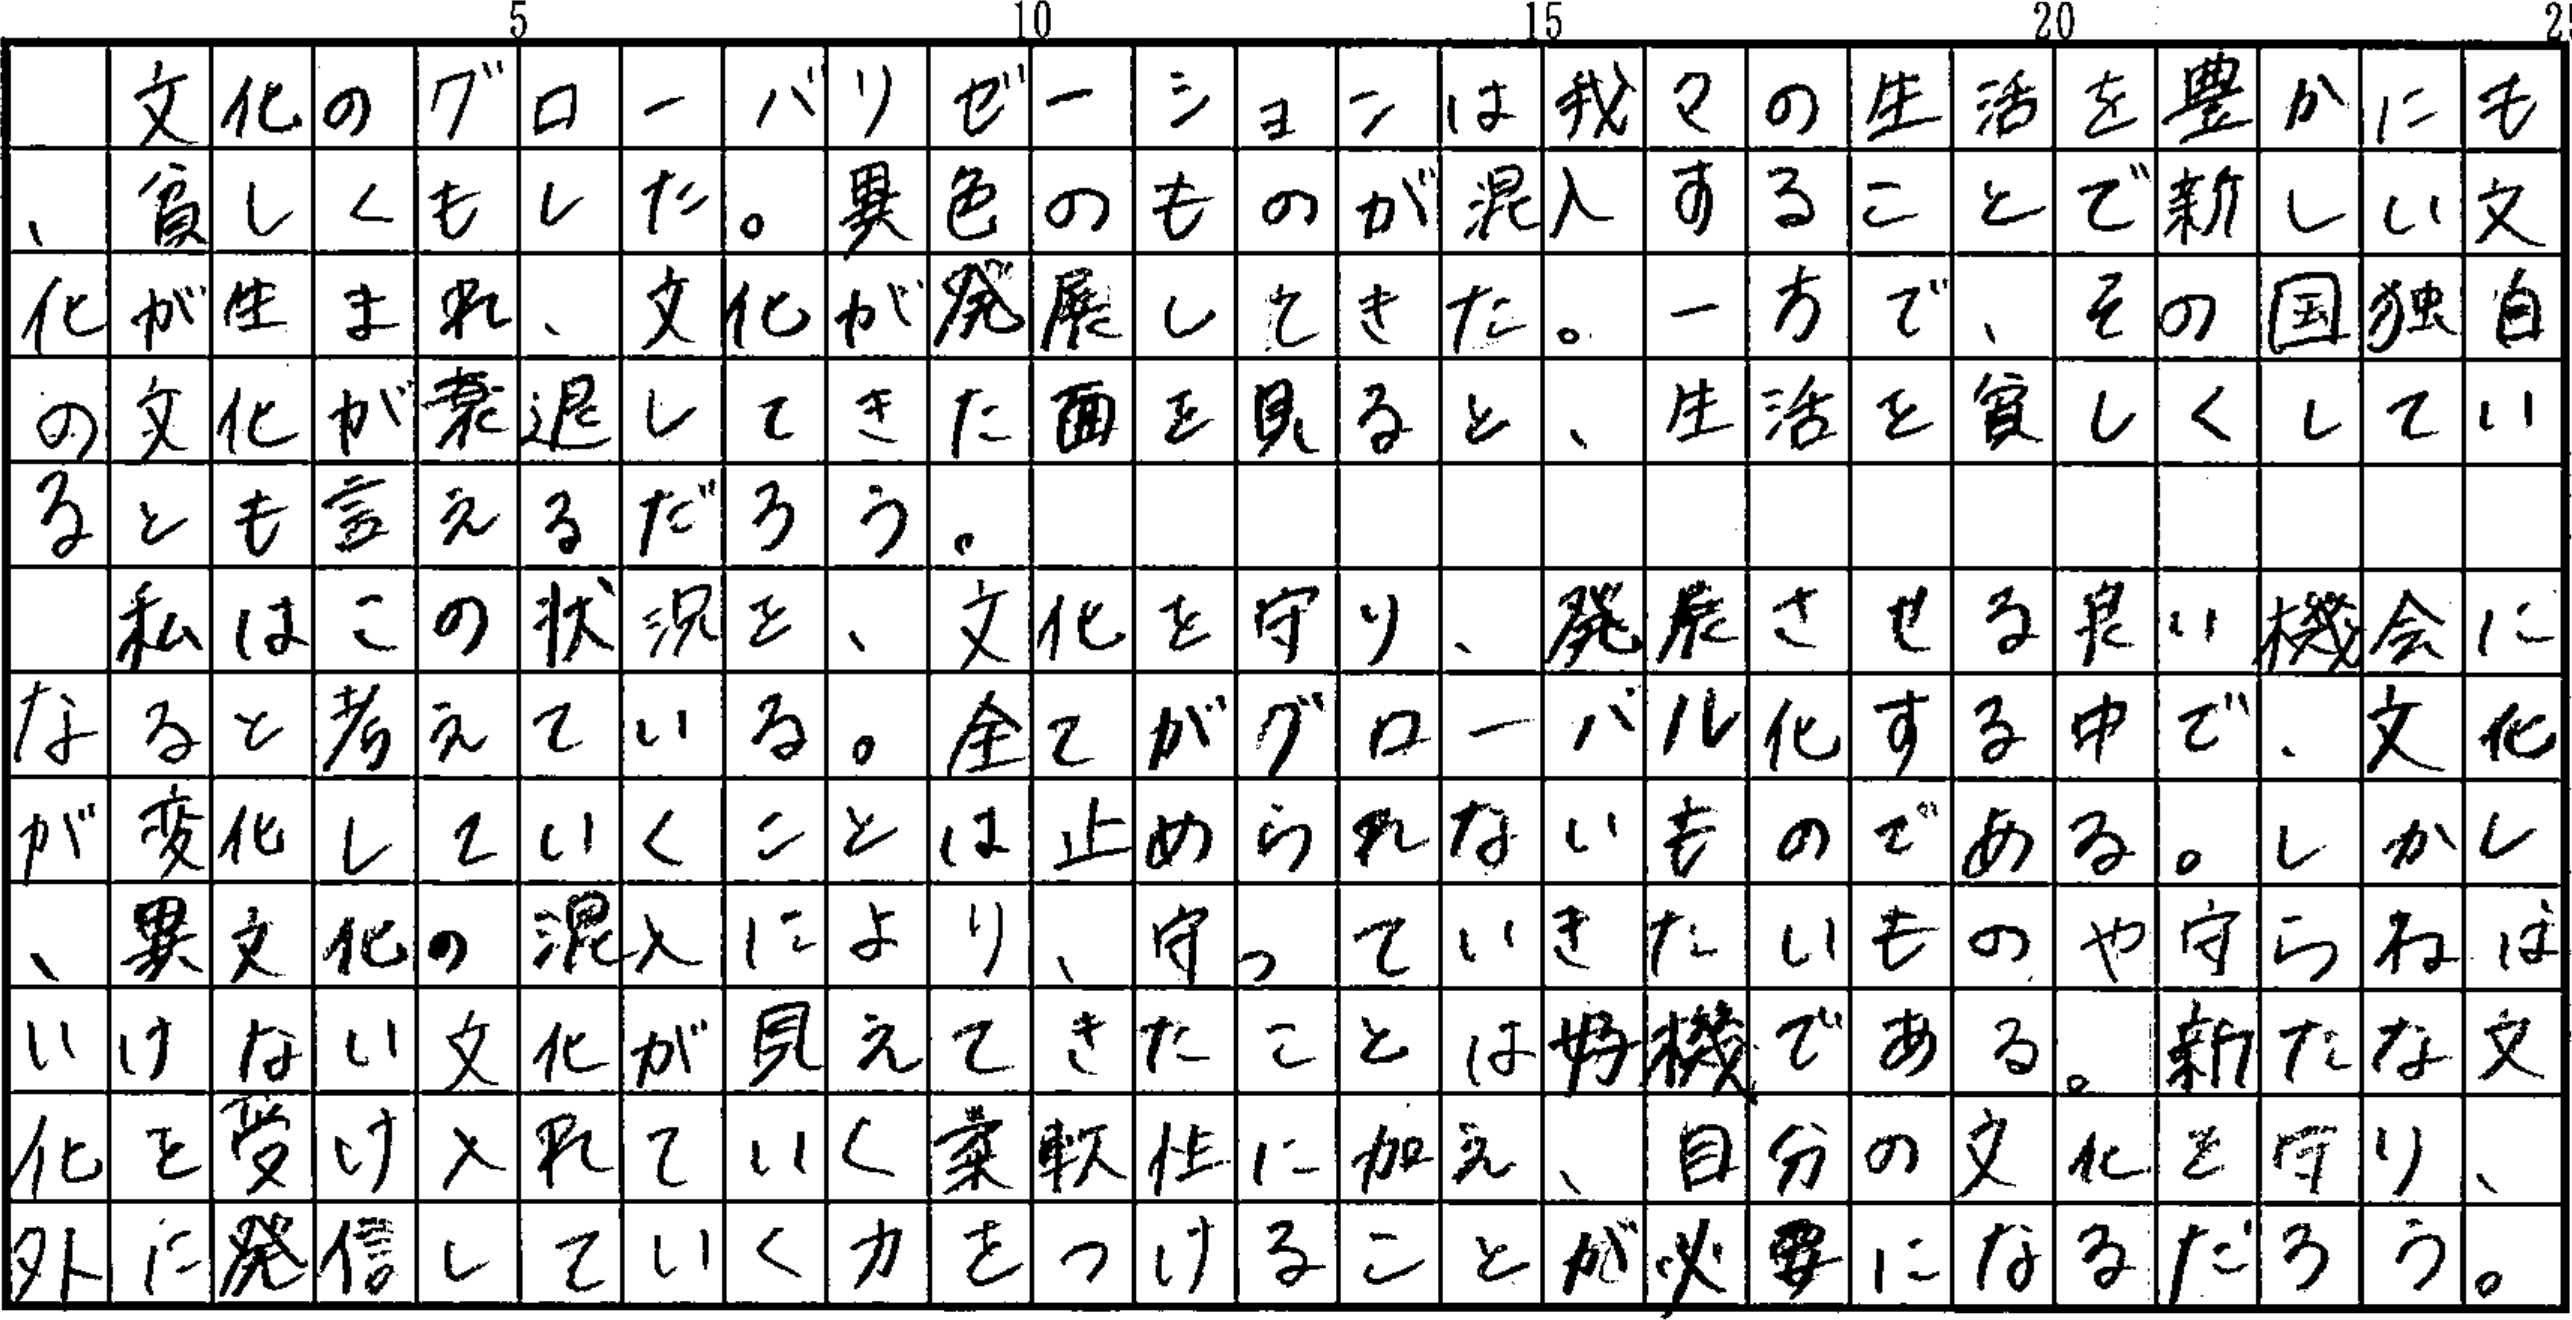　文化のグローバリゼーションは我々の生活を豊かにも、貧しくもした。異色のものが混入することで新しい文化が生まれ、文化が発展してきた。一方で、その国独自の文化が衰退してきた面を見ると、生活を貧しくしているとも言えるだろう。
　私はこの状況を、文化を守り、発展させる良い機会になると考えている。全てがグローバル化する中で、文化が変化していくことは止められないものである。しかし、異文化の混入により、守っていきたいものや守らねばいけない文化が見えてきたことは好機である。新たな文化を受け入れていく柔軟性に加え、自分の文化を守り、外に発信していく力をつけることが必要になるだろう。
